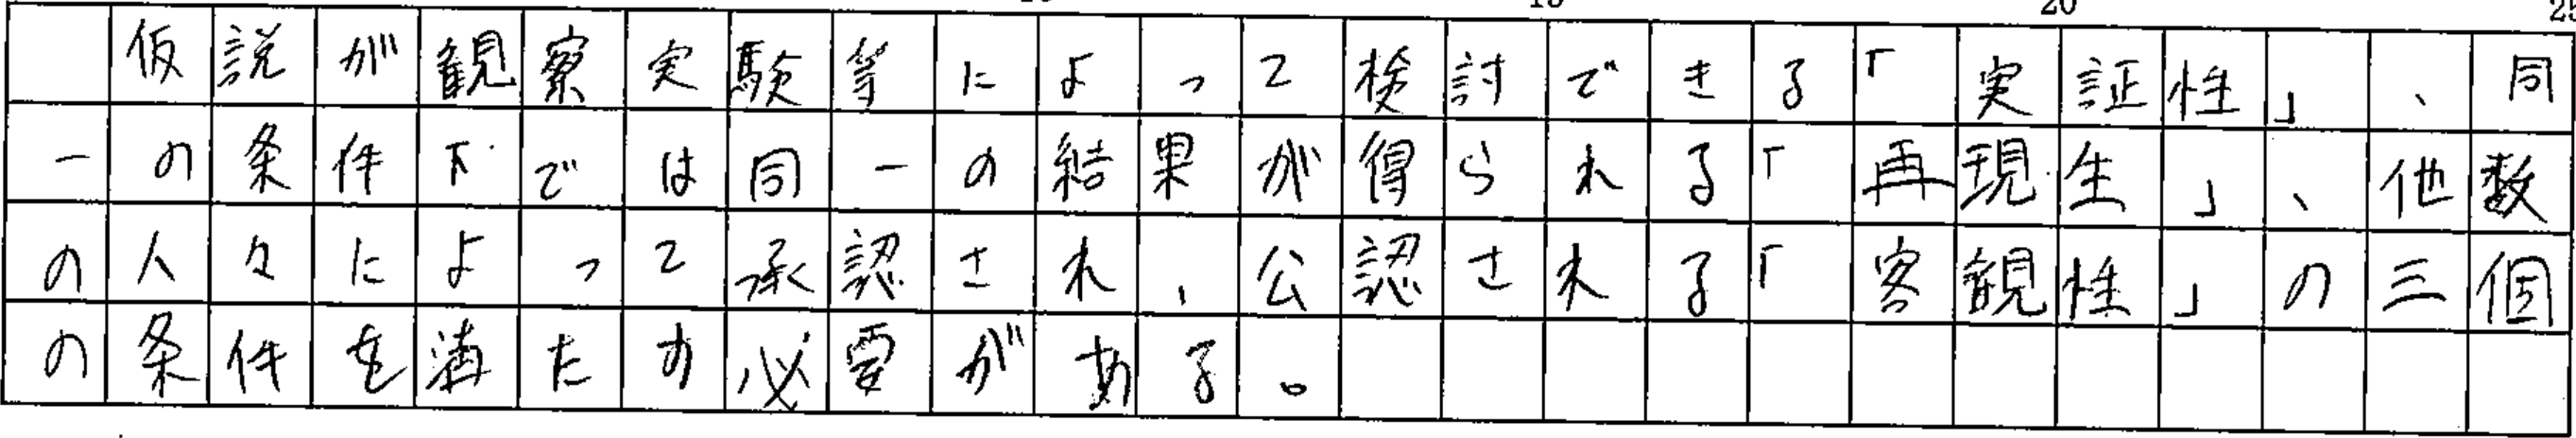　仮説が観察実験等によって検討できる「実証性」、同一の条件下では同一の結果が得られる「再現生」、他数の人々によって承認され、公認される「客観性」の三個の条件を▁たす必要がある。
